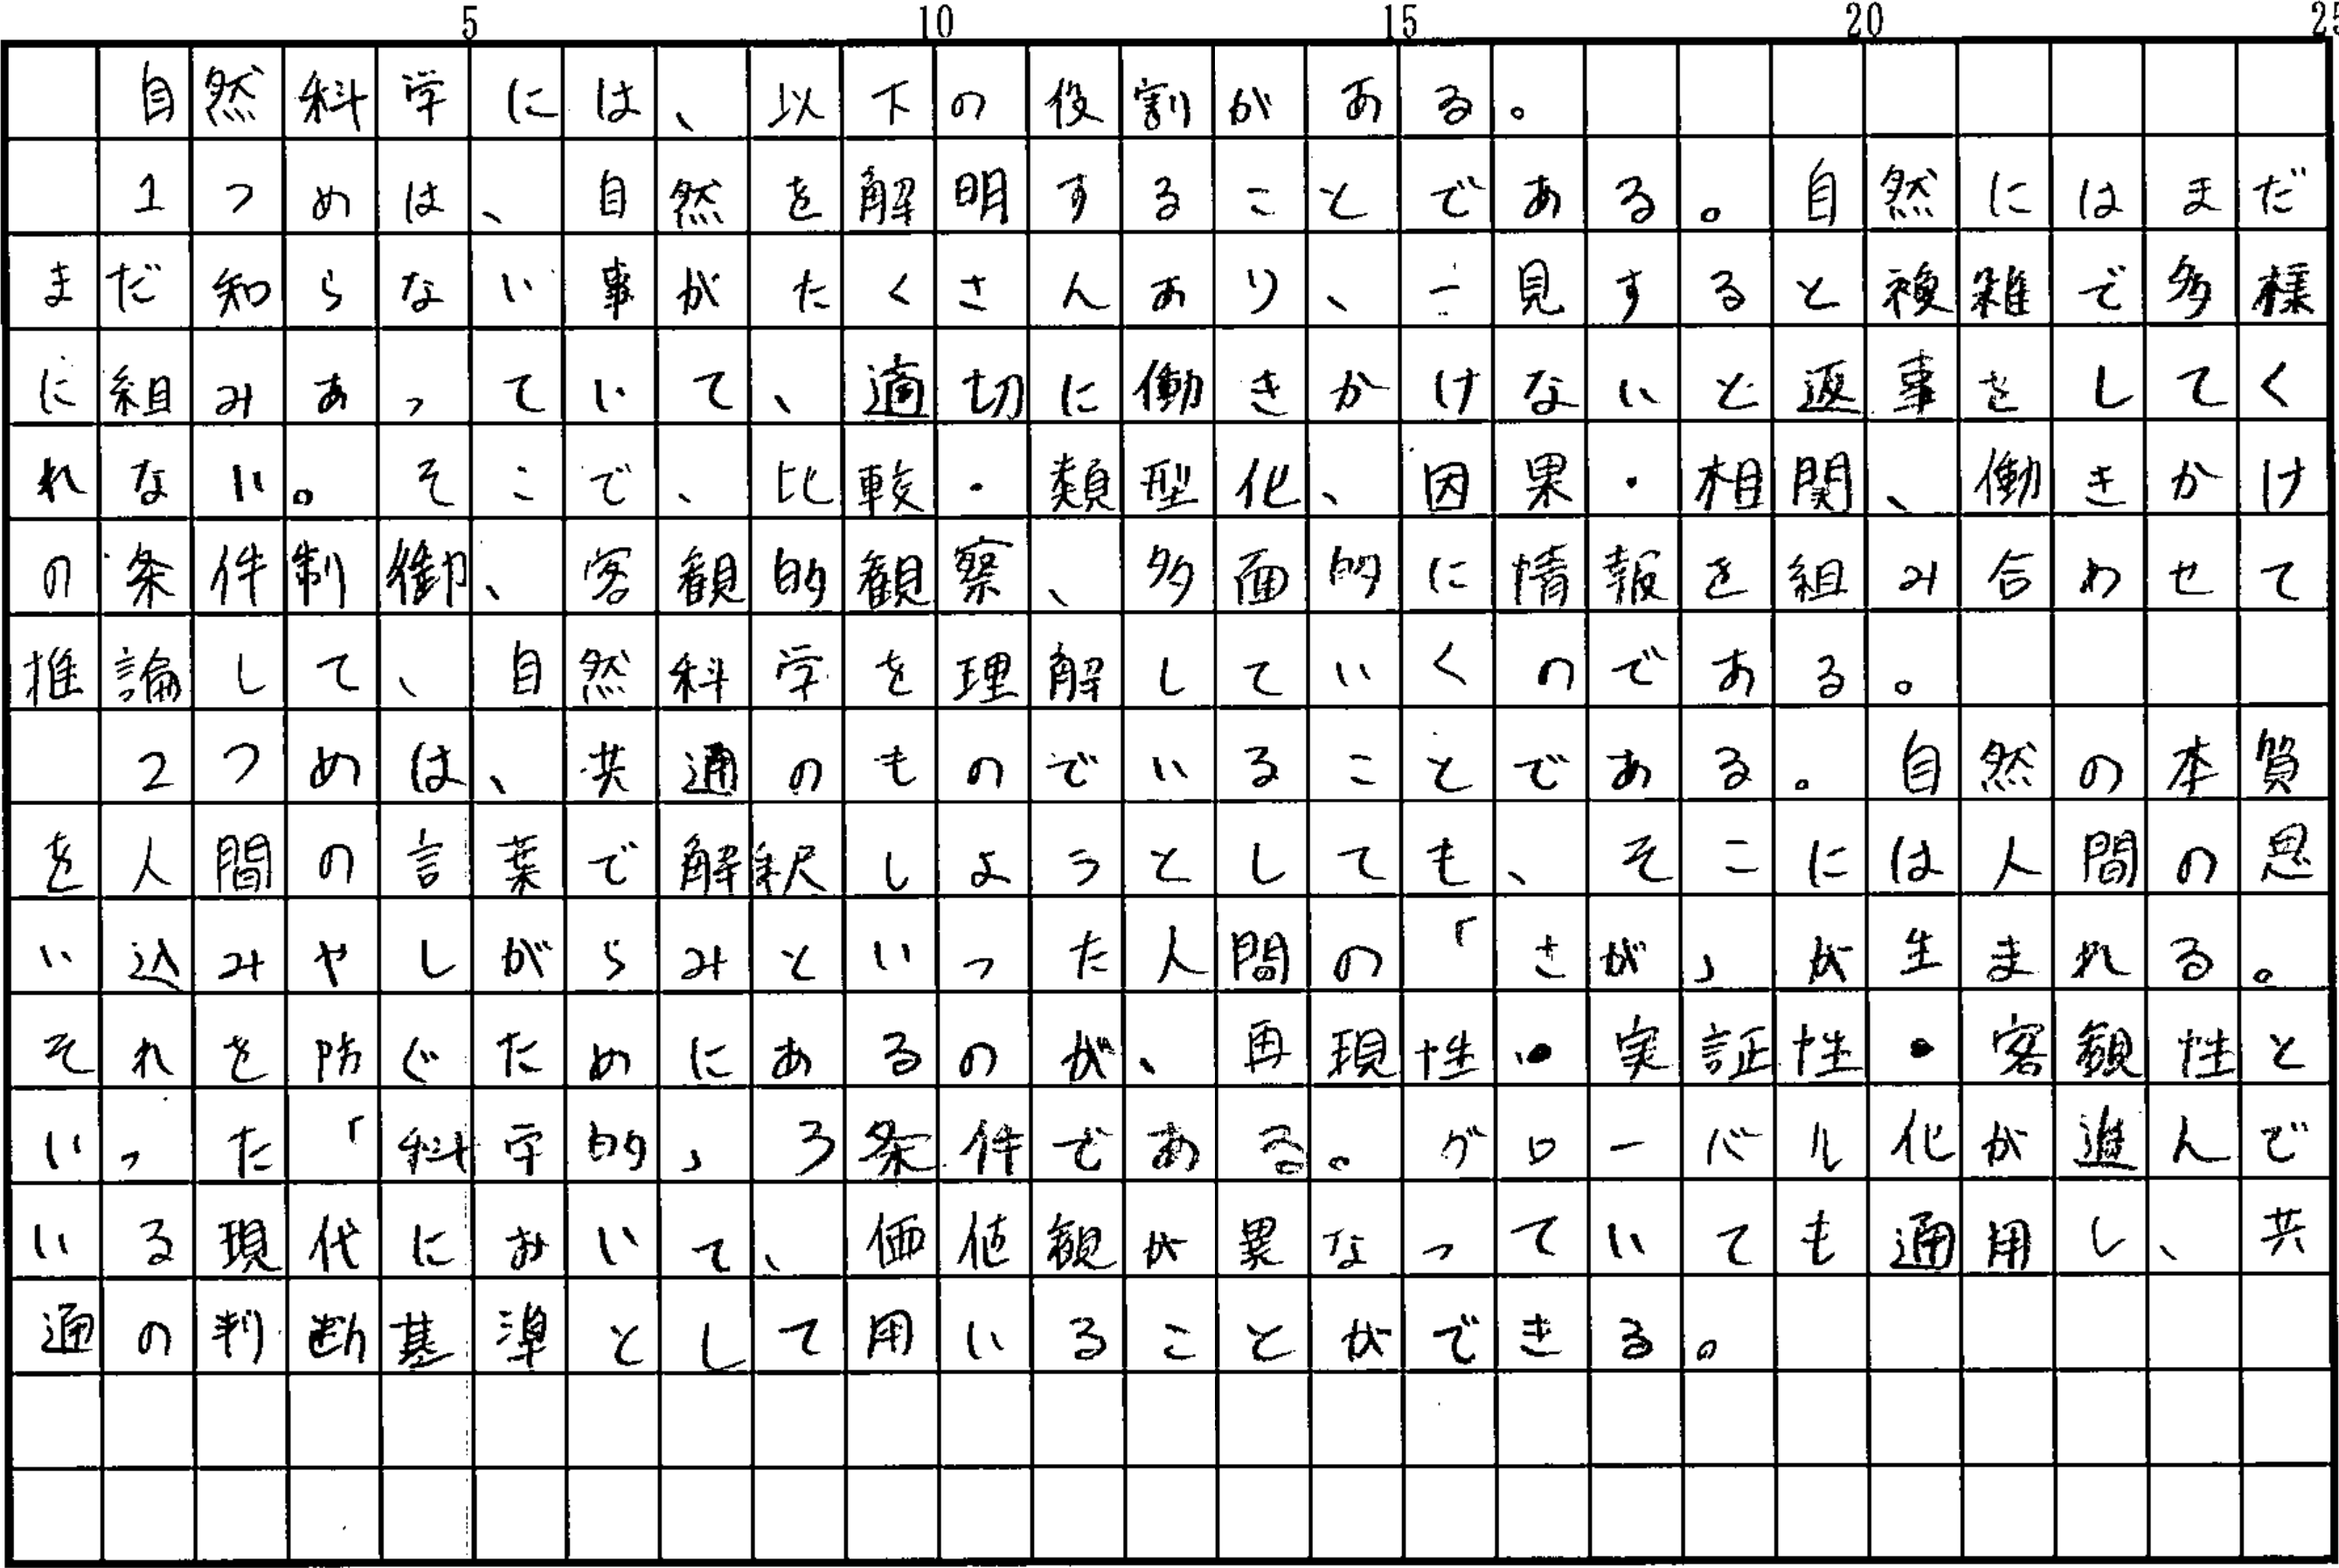　自然科学には、以下の役割がある。
　１つめは、自然を解明することである。自然にはまだまだ知らない事がたくさんあり、一見すると複雑で多様に組みあっていて、適切に働きかけないと返事をしてくれない。そこで、比較・類型化、因果・相関、働きかけの条件制御、客観的観察、多面的に情報を組み合わせて推論して、自然科学を理解していくのである。
　２つめは、共通のものでいることである。自然の本質を人間の言葉で解釈しようとしても、そこには人間の思い込みやしがらみといった人間の「さが」が生まれる。それを防ぐためにあるのが、再現性・実証性・客観性といった「科学的」３条件である。グローバル化が進んでいる現代において、価値観が異なっていても通用し、共通の判断基準として用いることができる。
